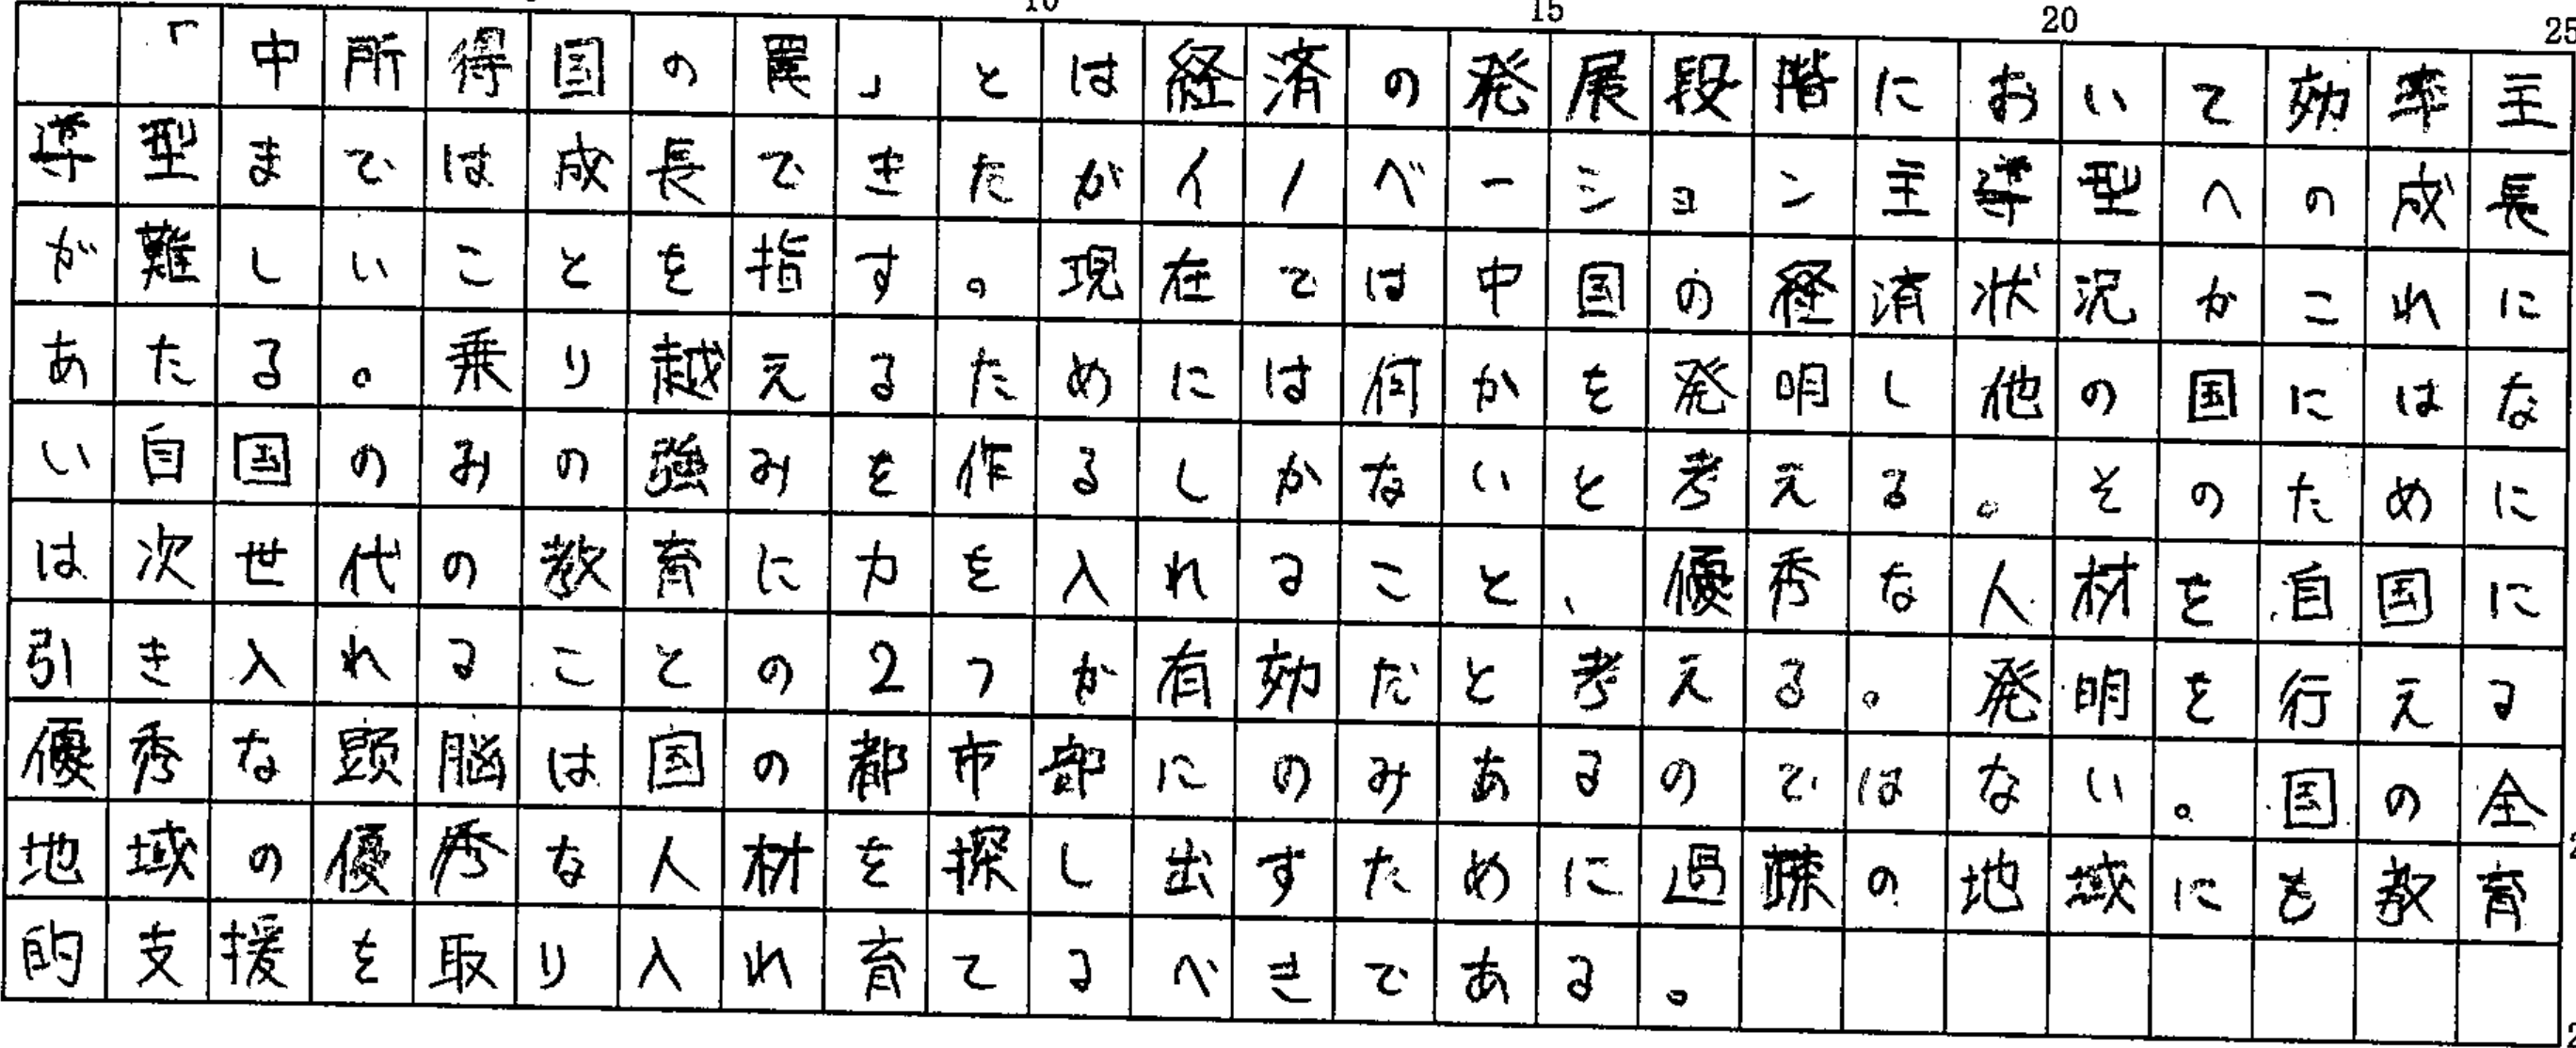　「中所得国の罠」とは経済の発展段階において効率主導型までは成長できたがイノベーション主導型への成長が難しいことを指す。現在では中国の経済状況がこれにあたる。乗り越えるためには何かを発明し他の国にはない自国のみの強みを作るしかないと考える。そのためには次世代の教育に力を入れること、優秀な人材を自国に引き入れることの２つが有効だと考える。発明を行える優秀な頭脳は国の都市部にのみあるのではない。国の全地域の優秀な人材を探し出すために過疎の地域にも教育的支援を取り入れ育てるべきである。
